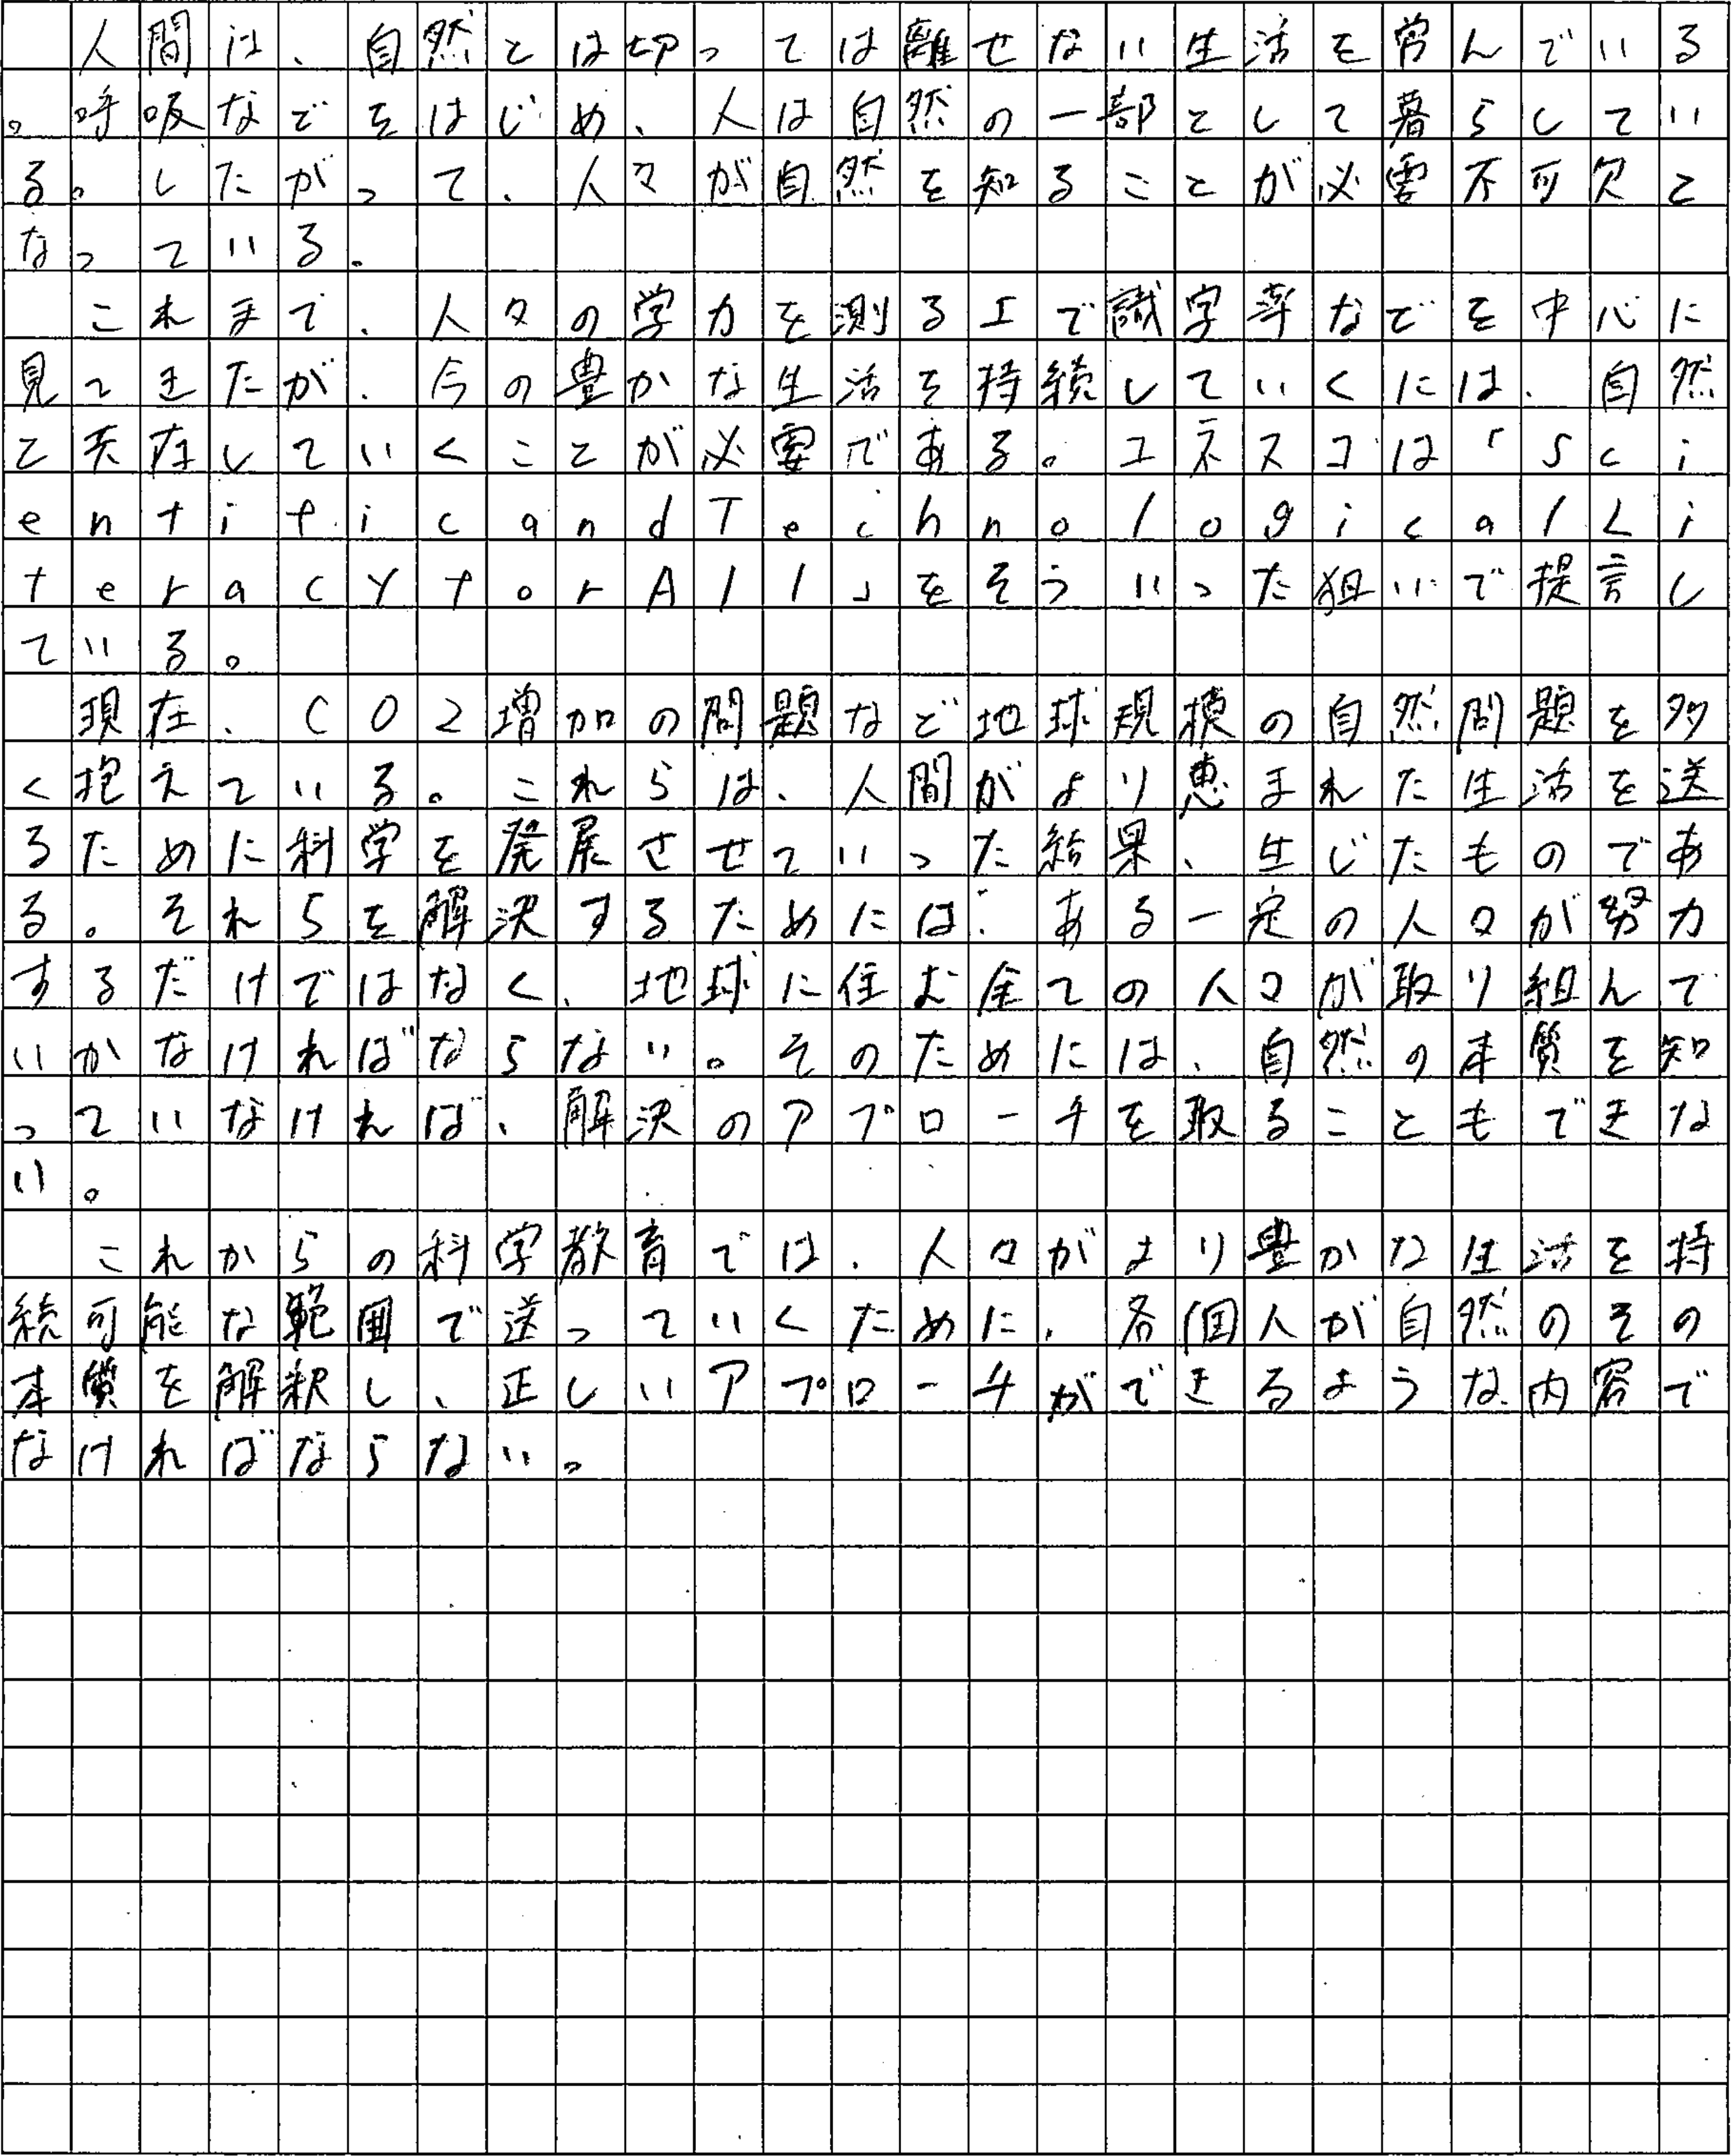　人間は、自然とは切っては離せない生活を営んでいる。呼吸などをはじめ、人は自然の一部として暮らしている。したがって、人々が自然を知ることが必要不可欠となっている。
　これまで、人々の学力を測る上で識字率などを中心に見てきたが、今の豊かな生活を持続していくには、自然と共存していくことが必要である。ユネスコは「ＳｃｉｅｎｔｉｆｉｃａｎｄＴｅｃｈｎｏｌｏｇｉｃａｌＬｉｔｅｒａｃｙｆｏｒＡｌｌ」をそういった狙いで提言している。
　現在、ＣＯ２増加の問題など地球規模の自然問題を多く抱えている。これらは、人間がより恵まれた生活を送るために科学を発展させていった結果、生じたものである。それらを解決するためには、ある一定の人々が努力するだけではなく、地球に住む全ての人々が取り組んでいかなければならない。そのためには、自然の本質を知っていなければ、解決のアプローチを取ることもできない。
　これからの科学教育では、人々がより豊かな生活を持続可能な範囲で送っていくために、各個人が自然のその本質を解釈し、正しいアプローチができるような内容でなければならない。
